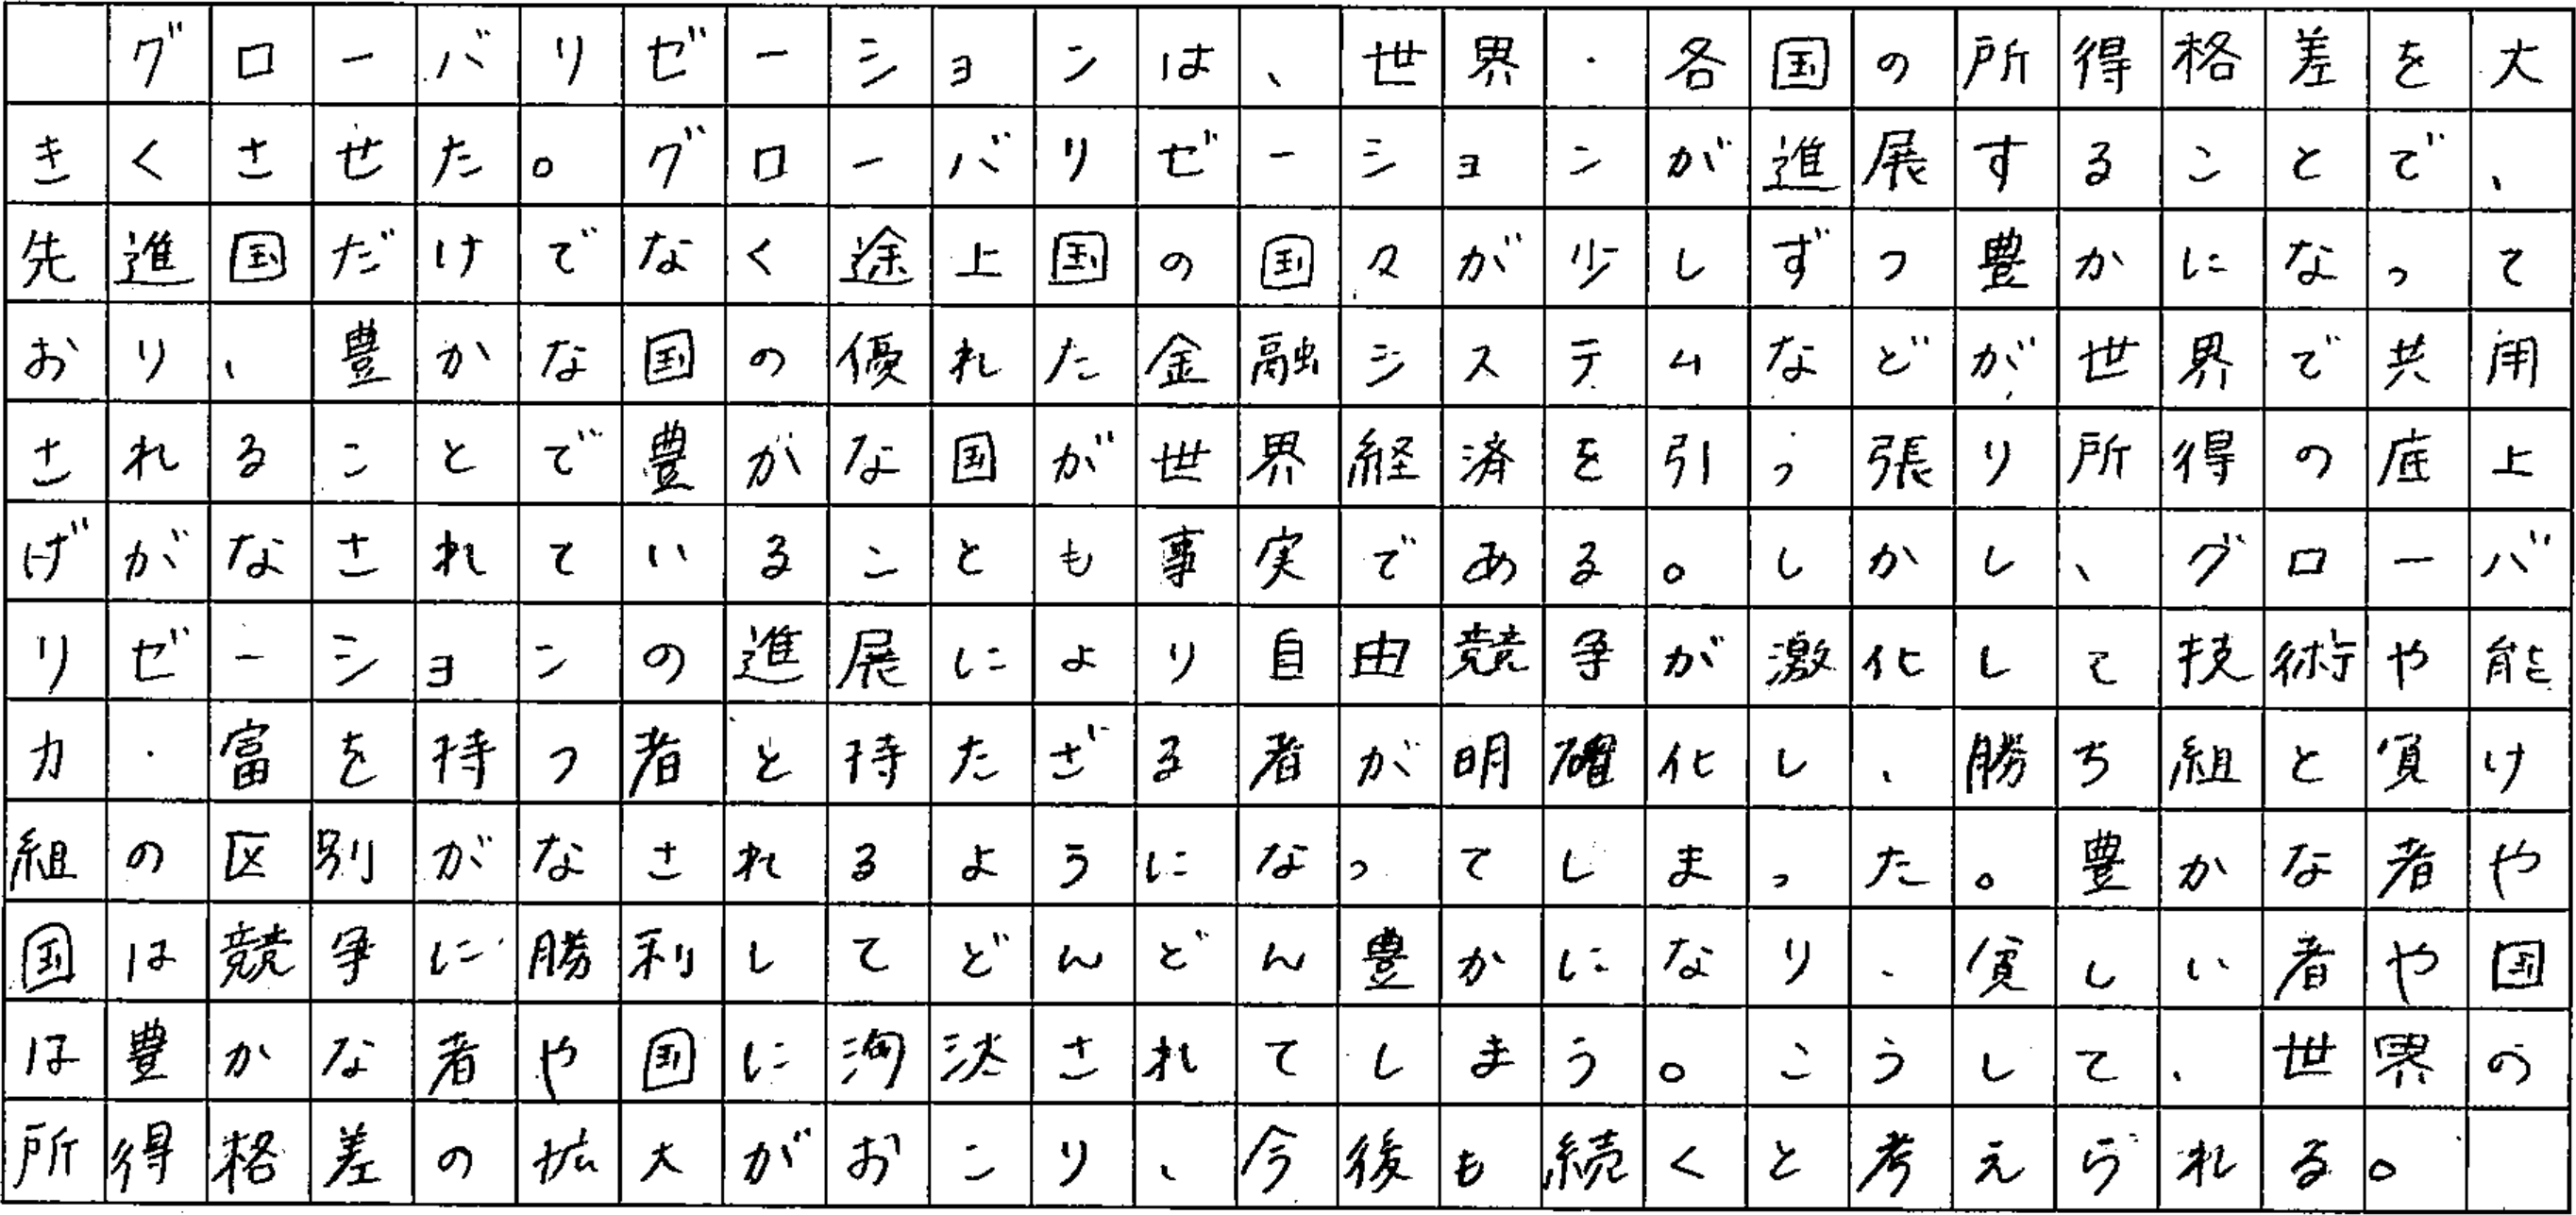　グローバリゼーションは、世界・各国の所得格差を大きくさせた。グローバリゼーションが進展することで、先進国だけでなく途上国の国々が少しずつ豊かになっており、豊かな国の優れた金融システムなどが世界で共用されることで豊かな国が世界経済を引っ張り所得の底上げがなされていることも事実である。しかし、グローバリゼーションの進展により自由競争が激化して技術や能力・富を持つ者と持たざる者が明確化し、勝ち組と負け組の区別がなされるようになってしまった。豊かな者や国は競争に勝利してどんどん豊かになり、貧しい者や国は豊かな者や国に淘汰されてしまう。こうして、世界の所得格差の拡大がおこり、今後も続くと考えられる。
